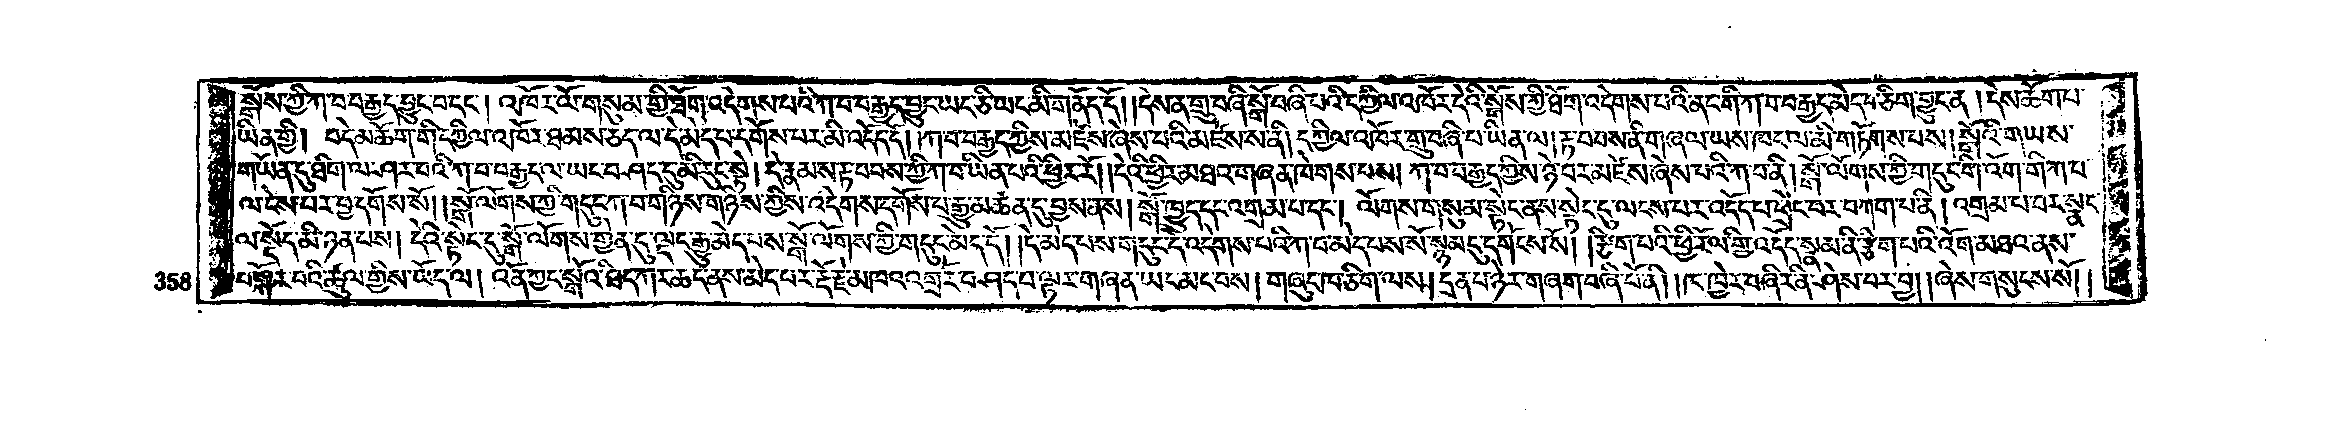སྒོས་ཀྱི་ཀ་བ་བརྒྱད་བྱུང་བ་དང་། འཁོར་ལོ་གསུམ་གྱི་ཐོག་འདེགས་པའི་ཀ་བ་བརྒྱད་བྱུང་ཡང་ཅི་ཡང་མི་གནོད་དོ། །དེས་ན་གྲུ་བཞི་སྒོ་བཞི་པའི་དཀྱིལ་འཁོར་དེའི་སྒོས་ཀྱི་ཐོག་འདེགས་པའི་ནང་གི་ཀ་བ་བརྒྱད་མེད་པ་ཅིག་བྱུང་ན། དེས་ཆོག་པ་ཡིན་གྱི། བདེ་མཆོག་གི་དཀྱིལ་འཁོར་ཐམས་ཅད་ལ་དེ་མེད་པ་དགོས་པར་མི་འདོད་དོ། །ཀ་བ་བརྒྱད་ཀྱིས་མཛེས་ཞེས་པའི་མཛེས་ས་ནི། དཀྱིལ་འཁོར་གྲུ་བཞི་པ་ཡིན་ལ། རྟ་བབས་ནི་གཞལ་ཡས་ཁང་ལ་མི་གཏོགས་པས། སྒོའི་གཡས་
གཡོན་དུ་ཐིག་ལ་ཤར་བའི་ཀ་བ་བརྒྱད་ལ་ཡང་བཤད་དུ་མི་རུང་སྟེ། དེ་རྣམས་རྟ་བབས་ཀྱི་ཀ་བ་ཡིན་པའི་ཕྱིར་རོ། །དེའི་ཕྱིར་མཐའ་གཞན་ཁེགས་པས། ཀ་བ་བརྒྱད་ཀྱིས་ཉེ་བར་མཛེས་ཞེས་པའི་ཀ་བ་ནི། སྒོ་ལོགས་ཀྱི་གདུང་གི་འོག་གི་ཀ་བ་
ལ་ངེས་པར་བྱ་དགོས་སོ། །སྒོ་ལོགས་ཀྱི་གདུང་ཀ་བ་གཉིས་གཉིས་ཀྱིས་འདེགས་དགོས་པ་རྒྱུ་མཚན་དུ་བྱས་ནས། སྒོ་ཁྱུད་དང་འགྲམ་པ་དང་། ལོགས་གསུམ་སྟེང་ནས་སྟེང་དུ་ལངས་པར་འདོད་པ་ཕྲེང་བར་བཀག་པ་ནི། འགྲམ་པ་བར་སྣང་
ལ་སྡོད་མི་ཉན་པས། དེའི་སྟེང་དུ་སྒོ་ལོགས་གྱེན་དུ་ལྡང་རྒྱུ་མེད་པས་སྒོ་ལོགས་ཀྱི་གདུང་མེད་དོ། །དེ་མེད་པས་གདུང་དེ་འདེགས་པའི་ཀ་བ་མེད་པས་སོ་སྙམ་དུ་དགོངས་སོ། །རྩིག་པའི་ཕྱི་རོལ་གྱི་འདོད་སྣམ་ནི་རྩིག་པའི་འོག་མཐའ་ནས་
བསྐོར་བའི་ཚུལ་གྱིས་ཡོད་ལ། འོན་ཀྱང་སྒོའི་ཐད་ཀར་ཆད་ནས་མེད་པར་རྡོ་རྗེ་མཁའ་འགྲོར་བཤད་པ་ལྟར་གཞན་ཡང་མང་བས། གཞུང་ཁ་ཅིག་ལས། དྲན་པ་ཉེར་གཞག་བཞི་པོ་ནི། །ཁ་ཁྱེར་བཞིར་ནི་ཤེས་པར་བྱ། །ཞེས་གསུངས་སོ། །